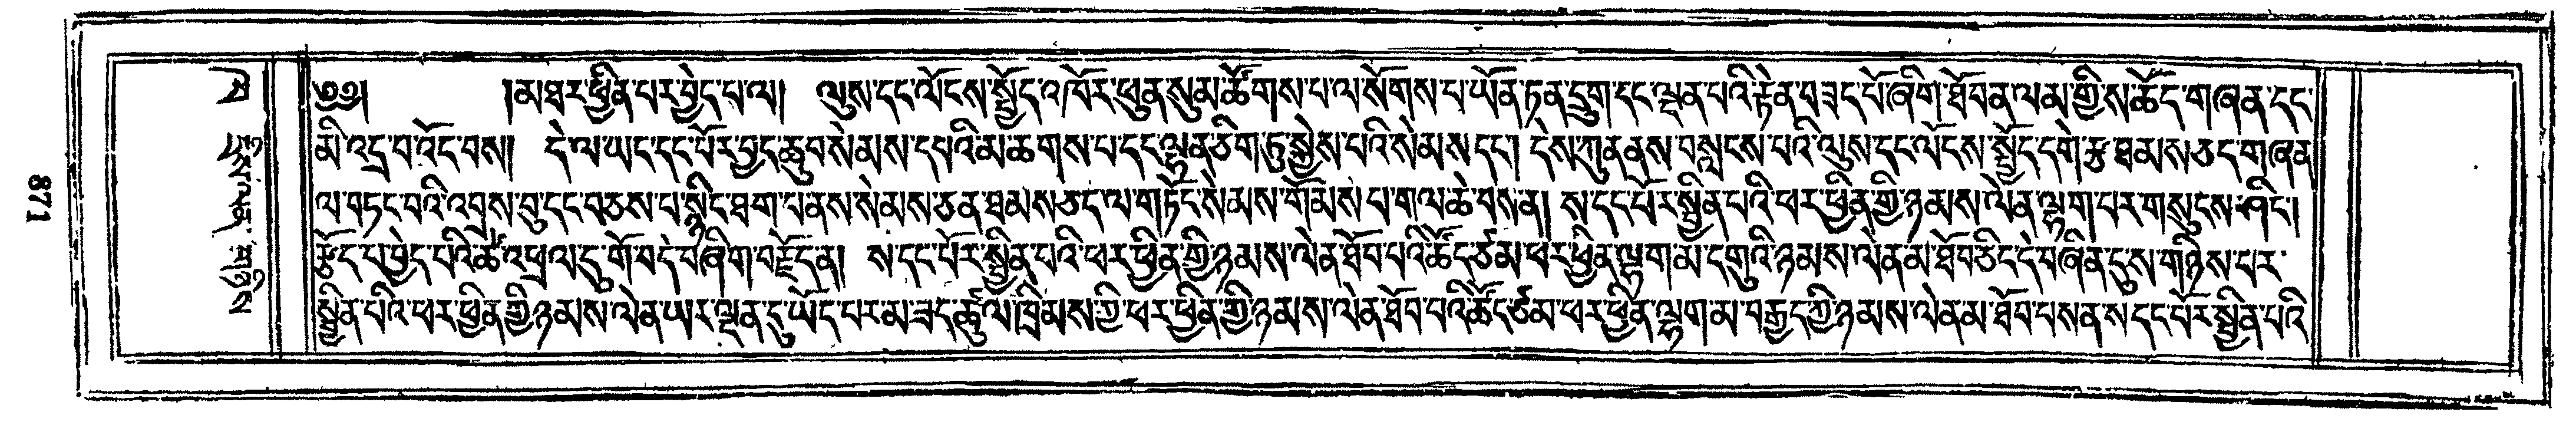༄༅། །མཐར་ཕྱིན་པར་བྱེད་པ་ལ། ལུས་དང་ལོངས་སྤྱོད་འཁོར་ཕུན་སུམ་ཚོགས་པ་ལ་སོགས་པ་ཡོན་ཏན་དྲུག་དང་ལྡན་པའི་རྟེན་བཟང་པོ་ཞིག་ཐོབ་ན་ལམ་གྱི་ས་ཆོད་གཞན་དང་
མི་འདྲ་བ་འོང་བས། དེ་ལ་ཡང་དང་པོར་བྱང་ཆུབ་སེམས་དཔའི་མ་ཆགས་པ་དང་ལྷན་ཅིག་ཏུ་སྐྱེས་པའི་སེམས་དང་། དེས་ཀུན་ནས་བསླངས་པའི་ལུས་དང་ལོངས་སྤྱོད་དགེ་རྩ་ཐམས་ཅད་གཞན་
ལ་བཏང་བའི་འབྲས་བུ་དང་བཅས་པ་སྙིང་ཐག་པ་ནས་སེམས་ཅན་ཐམས་ཅད་ལ་གཏོང་སེམས་གོམས་པ་གལ་ཆེ་བས་ན། ས་དང་པོར་སྦྱིན་པའི་ཕར་ཕྱིན་གྱི་ཉམས་ལེན་ལྷག་པར་གསུངས་ཤིང་།
རྩོད་པ་བྱེད་པའི་ཚེ་འཕྲལ་དུ་གོ་བདེ་བ་ཞིག་བརྗོད་ན། ས་དང་པོར་སྦྱིན་པའི་ཕར་ཕྱིན་གྱི་ཉམས་ལེན་ཐོབ་པའི་ཚོད་ཙམ་ཕར་ཕྱིན་ལྷག་མ་དགུའི་ཉམས་ལེན་མ་ཐོབ་ཅིང་དེ་བཞིན་དུ་ས་གཉིས་པར་
སྦྱིན་པའི་ཕར་ཕྱིན་གྱི་ཉམས་ལེན་ཡར་ལྡན་དུ་ཡོད་པར་མ་ཟད་ཚུལ་ཁྲིམས་ཀྱི་ཕར་ཕྱིན་གྱི་ཉམས་ལེན་ཐོབ་པའི་ཚོད་ཙམ་ཕར་ཕྱིན་ལྷག་མ་བརྒྱད་ཀྱི་ཉམས་ལེན་མ་ཐོབ་པས་ན་ས་དང་པོར་སྦྱིན་པའི་